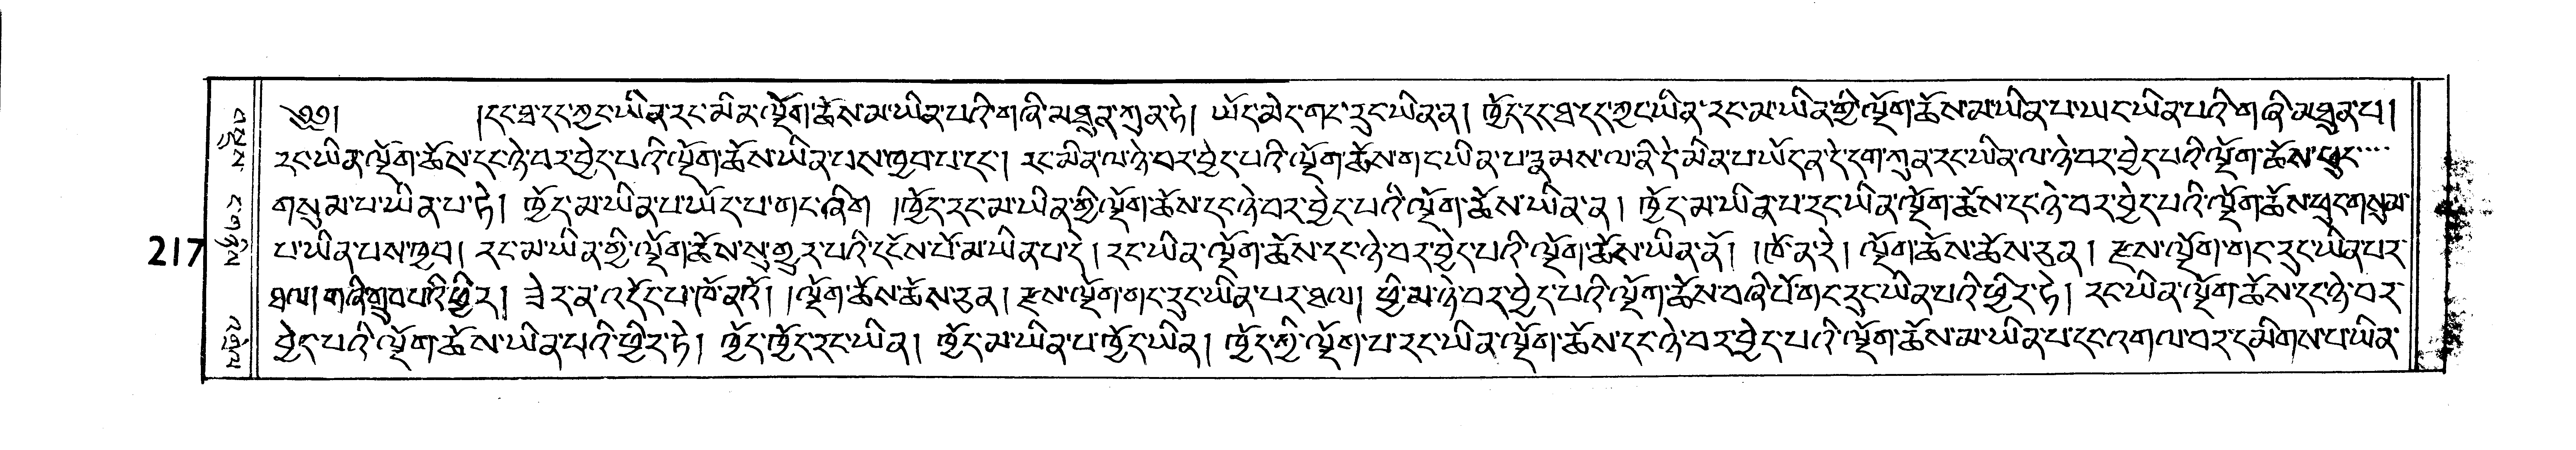༄༅། །དང་ཐ་དད་ཀྱང་ཡིན་རང་མིན་ལྡོག་ཆོས་མ་ཡིན་པའི་གཞི་མཐུན་ཀུན་ཏེ། ཡོད་མེད་གང་རུང་ཡིན་ན། ཁྱོད་དད་ཐ་དད་ཀྱང་ཡིན་རང་མ་ཡིན་གྱི་ལྡོག་ཆོས་མ་ཡིན་པ་ཡང་ཡིན་པའི་གཞི་མཐུན་པ།
རང་ཡིན་ལྡོག་ཆོས་དང་ཉེ་བར་བྱེད་པའི་ལྡོག་ཆོས་ཡིན་པས་ཁྱབ་པ་དང་། རང་མིན་ལ་ཉེ་བར་བྱེད་པའི་ལྡོག་ཆོས་གང་ཡིན་པ་རྣམས་ལ་ནི་དེ་མིན་པ་ཡོད་ན་དེ་དག་ཀུན་དང་ཡིན་ལ་ཉེ་བར་བྱེད་པའི་ལྡོག་ཆོས་ཕུང་
གསུམ་པ་ཡིན་པ་ཏེ། ཁྱོད་མ་ཡིན་པ་ཡོད་པ་གང་ཞིག །ཁྱོད་རང་མ་ཡིན་གྱི་ལྡོག་ཆོས་དང་ཉེ་བར་བྱེད་པའི་ལྡོག་ཆོས་ཡིན་ན། ཁྱོད་མ་ཡིན་པ་རང་ཡིན་ལྡོག་ཆོས་དང་ཉེ་བར་བྱེད་པའི་ལྡོག་ཆོས་ཕུང་གསུམ་
པ་ཡིན་པས་ཁྱབ། རང་མ་ཡིན་གྱི་ལྡོག་ཆོས་སུ་གྱུར་པའི་དངོས་པོ་མ་ཡིན་པ་དེ། རང་ཡིན་ལྡོག་ཆོས་དང་ཉེ་བར་བྱེད་པའི་ལྡོག་ཆོས་ཡིན་ནོ། །ཁོ་ན་རེ། ལྡོག་ཆོས་ཆོས་ཅན། རྫས་ལྡོག་གང་རུང་ཡིན་པར་
ཐལ། གཞི་གྲུབ་པའི་ཕྱིར། ཟེར་ན་འདོད་པ་ཁོ་ནའོ། །ལྡོག་ཆོས་ཆོས་ཅན། རྫས་ལྡོག་གང་རུང་ཡིན་པར་ཐལ། ཕྱི་མ་ཉེ་བར་བྱེད་པའི་ལྡོག་ཆོས་བཞི་པོ་གང་རུང་ཡིན་པའི་ཕྱིར་ཏེ། རང་ཡིན་ལྡོག་ཆོས་དང་ཉེ་བར་
བྱེད་པའི་ལྡོག་ཆོས་ཡིན་པའི་ཕྱིར་ཏེ། ཁྱོད་ཁྱོད་རང་ཡིན། ཁྱོད་མ་ཡིན་པ་ཁྱོད་ཡིན། ཁྱོད་ཀྱི་ལྡོག་པ་རང་ཡིན་ལྡོག་ཆོས་དང་ཉེ་བར་བྱེད་པའི་ལྡོག་ཆོས་མ་ཡིན་པ་དང་འགལ་བར་དམིགས་པ་ཡིན་